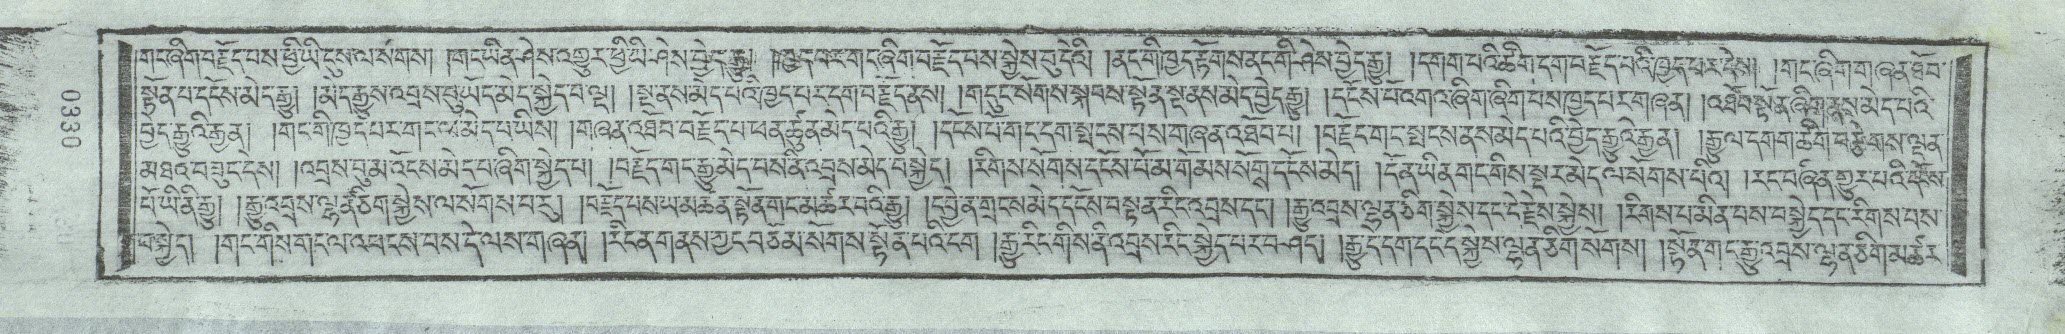གང་ཞིག་བརྗོད་པས་ཕྱི་ཡི་དུས་ལ་སོགས། །གང་ཡིན་ཤེས་འགྱུར་ཕྱི་ཡི་ཞེས་བྱེད་རྒྱུ། །ཁྱད་པར་གང་ཞིག་བརྗོད་པས་སྐྱེས་བུ་དེའི། །ནང་གི་ཁྱད་རྟོགས་ནང་གི་ཤེས་བྱེད་རྒྱུ། །དགག་པའི་ཚིག་དག་བརྗོད་པའི་ཁྱད་པར་དེས། །གང་ཞིག་གཞན་ཐོབ་
སྟོན་པ་དངོས་མེད་རྒྱུ། །མེད་རྒྱུས་འབྲས་བུ་ཡོད་མེད་སྐྱེད་པ་ལྔ། །སྔ་ནས་མེད་པའི་ཁྱད་བར་དག་བརྗོད་ནས། །གདུང་སོགས་སྐབས་སྟོན་སྔ་ནས་མེད་བྱེད་རྒྱུ། །དངོས་པོ་འགའ་ཞིག་ཞིག་བས་ཁྱད་པར་གཞན། །འཐོབ་སྟོན་ཞིག་ནས་མེད་པའི་
བྱེད་རྒྱུའི་རྒྱན། །གང་གི་ཁྱད་པར་གང་ལ་མེད་པ་ཡིས། །གཞན་འཐོབ་བརྗོད་པ་ཕན་ཚུན་མེད་པའི་རྒྱུ། །དངོས་པོ་གང་དག་སྤངས་པས་གཞན་འཐོག་པ། །བརྗོད་གང་སྤངས་ནས་མེད་པའི་བྱེད་རྒྱུའི་རྒྱན། །རྒྱལ་དགག་ཚིག་བརྩེགས་ལྡན་
མཐའ་བཟུང་དེས། །འབྲས་བུ་མ་འོངས་མེད་བ་ཞིག་སྐྱེད་པ། །བརྗོད་གང་རྒྱུ་མེད་བས་ནི་འབྲས་མེད་བསྐྱེད། །རིགས་སོགས་དངོས་པོ་མགོམས་སོགས་དངོས་མེད། །དོན་ཡིན་གང་གིས་སྔར་མེད་ལ་སོགས་པའི། །རང་བཞིན་གྱུར་པའི་དངོས་
པོ་ཡིན་རྒྱུ། །རྒྱུ་འབྲས་ལྷན་ཅིག་སྐྱེས་ལ་སོགས་པ་རུ། །བརྗོད་པས་ཡམ་མཚན་སྟོན་གང་མཚར་བའི་རྒྱུ། །དབྱེ་ན་གྲངས་མེད་དངོས་བསྟན་རིང་འབྲས་དང་། །རྒྱུ་འབྲས་ལྷན་ཅིག་སྐྱེས་དང་དེ་རྗེས་སྐྱེས། །རིགས་པ་མིན་པས་བསྐྱེད་དང་རིགས་བས་
བསྐྱེད། །གང་གིས་གང་ལ་འབངས་པས་དེ་ལས་གཞན། །རིང་ན་གནས་ཡང་བཅོམ་སོགས་སྟོན་པའི་ངག །རྒྱུ་རིང་གིས་ནི་འབྲས་རིང་སྐྱེས་པར་བཤད། །རྒྱུད་དག་དང་ད་སྐྱེས་ལྷན་ཅིག་སོགས། །སྟོན་གང་རྒྱུ་འབྲས་ལྷན་ཅིག་མཚར་